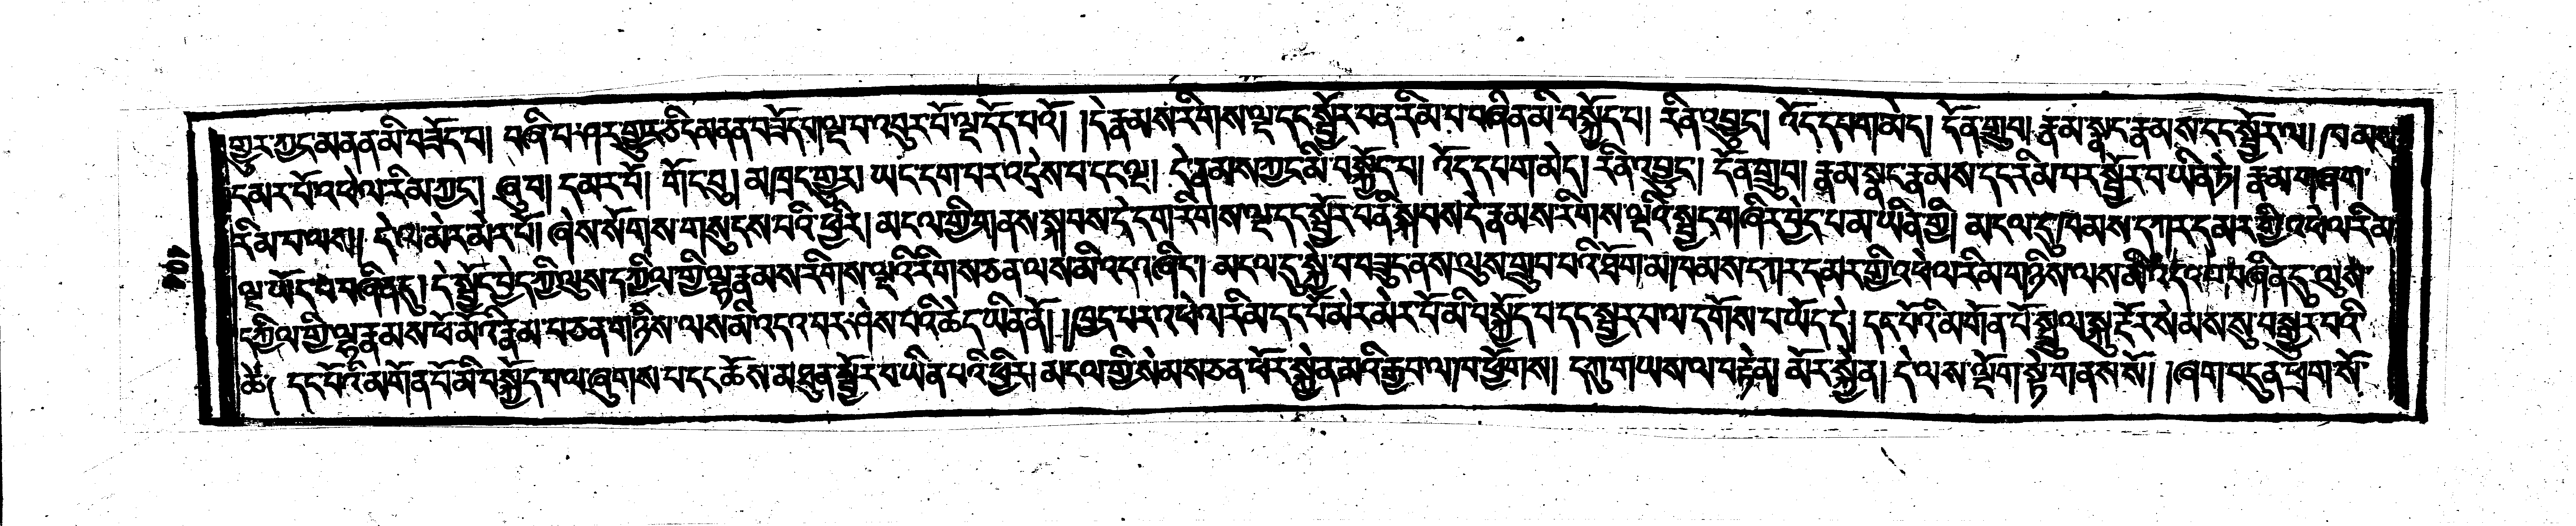གྱུར་ཀྱང་མནན་མི་བཟོད་པ། བཞི་པ་ཤར་གྱུར་ཅིང་མནན་བཟོད་པ། ལྔ་བ་འབུར་པོ་ལྔ་དོད་པའོ། །དེ་རྣམས་རིགས་ལྔ་དང་སྦྱོར་བ་ན་རིམ་པ་བཞིན་མི་བསྐྱོད་པ། རིན་འབྱུང་། འོད་དཔག་མེད། དོན་གྲུབ། རྣམ་སྣང་རྣམས་དང་སྦྱོར་ལ། ཁམས་
དམར་པོ་འཕེལ་རིམ་ཀྱང་། ཞུ་བ། དམར་པོ། གོང་བུ། མཁྲང་གྱུར། ཡང་དག་པར་འདྲེས་བ་དང་ལྔ། དེ་རྣམས་ཀྱང་མི་བསྐྱོད་པ། འོད་དཔག་མེད། རིན་འབྱུང་། དོན་གྲུབ། རྣམ་སྣང་རྣམས་དང་རིམ་པར་སྦྱོར་བ་ཡིན་ཏེ། རྣམ་གཞག་
རིམ་པ་ལས། དེ་ལ་མེར་མེར་པོ། ཞེས་སོགས་གསུངས་པའི་ཕྱིར། མངལ་གྱི་གནས་སྐབས་དེ་དག་རིགས་ལྔ་དང་སྦྱོར་བ་ནི་སྐབས་དེ་རྣམས་རིགས་ལྔའི་སྤྱད་གཞིར་བྱེད་པ་མ་ཡིན་གྱི། མངལ་དུ་ཁམས་དཀར་དམར་གྱི་འཕེལ་རིམ་
ལྔ་ཡོད་པ་བཞིན་དུ། དེ་སྦྱོང་བྱེད་ཀྱི་ལུས་དཀྱིལ་གྱི་ལྷ་རྣམས་རིགས་ལྔའི་རིགས་ཅན་ལས་མི་འདའ་ཞིང་། མངལ་དུ་སྐྱེ་བ་བཟུང་ནས་ལུས་གྲུབ་བའི་ཐོག་མ་ཁམས་དཀར་དམར་གྱི་འཕེལ་རིམ་གཉིས་ལས་མི་འདའ་བ་བཞིན་དུ་ལུས་
དཀྱིལ་གྱི་ལྷ་རྣམས་ཕོ་མོའི་རྣམ་པ་ཅན་གཉིས་ལས་མི་འདའ་བར་ཤེས་པའི་ཆེད་ཡིན་ནོ། །ཁྱད་པར་འཕེལ་རིམ་དང་པོ་མེར་མེར་པོ་མི་བསྐྱོད་པ་དང་སྦྱར་བ་ལ་དགོས་པ་ཡོད་དེ། དང་པོའི་མགོན་པོ་སྤྲུལ་སྐུ་རྡོར་སེམས་སུ་བསྒྱུར་བའི་
ཚེ། དང་པོའི་མགོན་པོ་མི་བསྐྱོད་པ་ལ་ཞུགས་པ་དང་ཆོས་མཐུན་སྦྱོར་བ་ཡིན་པའི་ཕྱིར། མངལ་གྱི་སེམས་ཅན་ཕོར་སྐྱེ་ན་མའི་རྒྱབ་ལ་ཁ་ཕྱོགས། དཀུ་གཡས་ལ་བརྟེན། མོར་སྐྱེ་ན། དེ་ལས་ལྡོག་སྟེ་གནས་སོ། །ཞག་བདུན་ཕྲག་སོ་